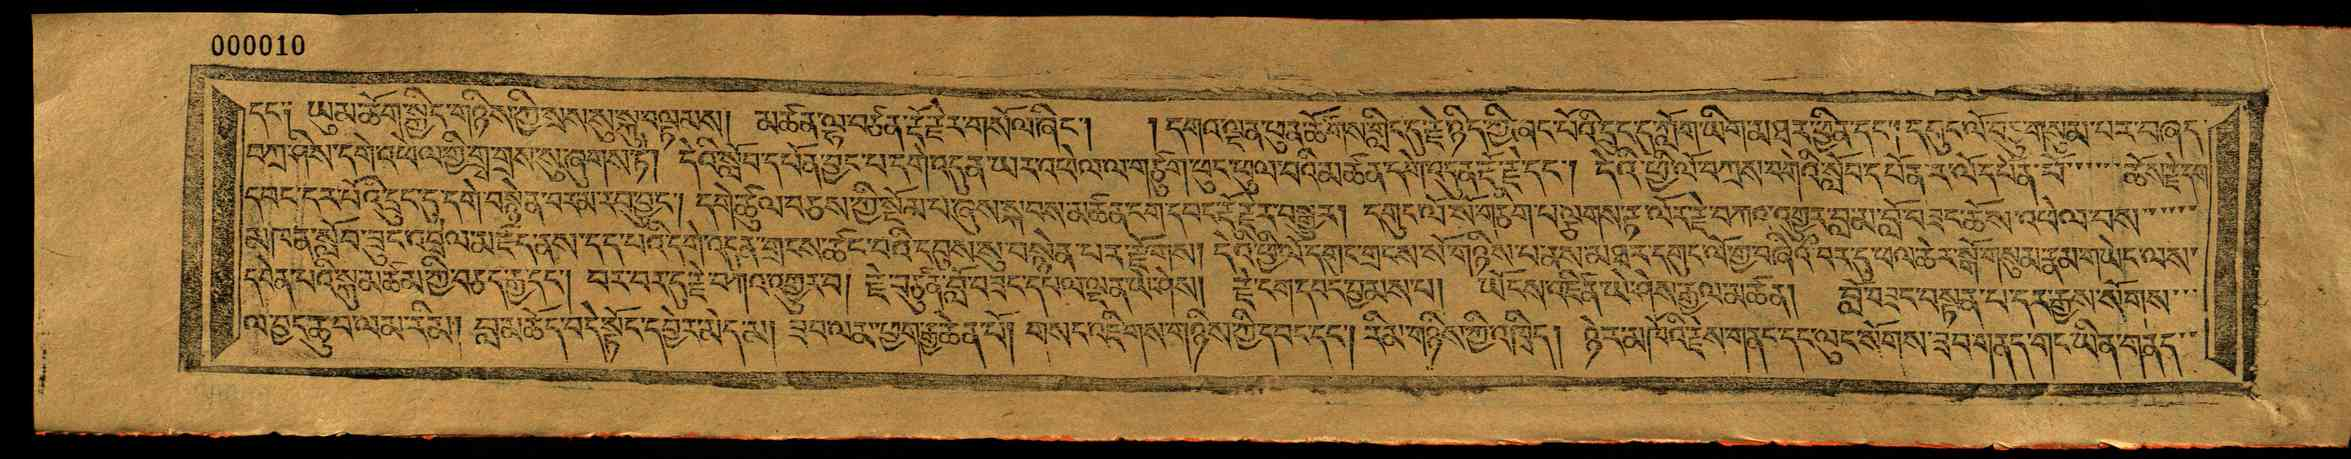དང་། ཡུམ་ཆོག་སྐྱིད་གཉིས་ཀྱི་སྲས་སུ་སྐུ་བལྟམས། མཚན་ལྷ་བཙན་རྡོ་རྗེར་གསོལ་ཞིང་། དགའ་ལྡན་ཕུན་ཚོགས་གླིང་དུ་རྗེ་ཉིད་ཀྱི་ཞང་པོའི་དྲུང་དུ་ཀློག་ཡིག་མཐར་ཕྱིན་དང་། དགུང་ལོ་བཅུ་གསུམ་པར་བཞད་
བཀྲ་ཤིས་དགེ་འཕེལ་གྱི་གྲྭ་གྲས་སུ་ཞུགས་ཏེ། དེའི་སློབ་དཔོན་བྱང་པ་དགེ་འདུན་ཡར་འཕེལ་ལ་གཙུག་ཕུད་ཕུལ་བའི་མཚན་དགེ་འདུན་རྡོ་རྗེ་དང་། དེའི་ཕྱི་ལོ་བཀྲས་དགེའི་སློབ་དཔོན་ར་ལོ་དབོན་པོ་ཆོས་རྗེ་ངག་
དབང་དར་པོའི་དྲུང་དུ་དགེ་བསྙེན་བར་མ་རབ་བྱུང་། དགེ་ཚུལ་བཅས་ཀྱི་སྡོམ་པ་ཞུས་སྐབས་མཚན་ངག་དབང་རྡོ་རྗེར་བསྒྱུར། དགུང་ལོ་སོ་གཅིག་པ་ལྕགས་རྟ་ལོར་རྗེ་བཀའ་འགྱུར་བླ་མ་བློ་བཟང་ཆོས་འཕེལ་པས་
མཁན་སློབ་ཟུང་འབྲེལ་མཛད་ནས་དད་པའི་དགེ་འདུན་གྲངས་ཚང་བའི་དབུས་སུ་བསྙེན་པར་རྫོགས། དེའི་ཕྱི་ལོ་དགུང་གྲངས་སོ་གཉིས་པ་ནས་མཐར་དགུང་ལོ་གྱ་བཞིའི་བར་དུ་ཕལ་ཆེར་སྒོ་གསུམ་རྣམ་གཡེང་ལས་
དབེན་པའི་སྐུ་མཚམས་ཀྱི་བཅད་རྒྱ་དང་། བར་བར་དུ་རྗེ་བཀའ་འགྱུར་བ། རྗེ་བཙུན་བློ་བཟང་དཔལ་ལྡན་ཡེ་ཤེས། རྗེ་ངག་དབང་བྱམས་པ། ཡོངས་འཛིན་ཡེ་ཤེས་རྒྱལ་མཚན། རྗེ་བློ་བཟང་བསྟན་པ་དར་རྒྱས་སོགས་
ལ་བྱང་ཆུབ་ལམ་རིམ། བླ་མཆོད་བདེ་སྟོང་དབྱེར་མེད་མ། ཟབ་ལམ་ཕྱག་རྒྱ་ཆེན་པོ། གསང་འཇིགས་གཉིས་ཀྱི་དབང་དང་། རིམ་གཉིས་ཀྱི་འཁྲིད། ཉེར་མཁོའ?་རྗེས་གནང་དང་ལུང་སོགས་ཟབ་གནད་གང་ཡིན་གནད་